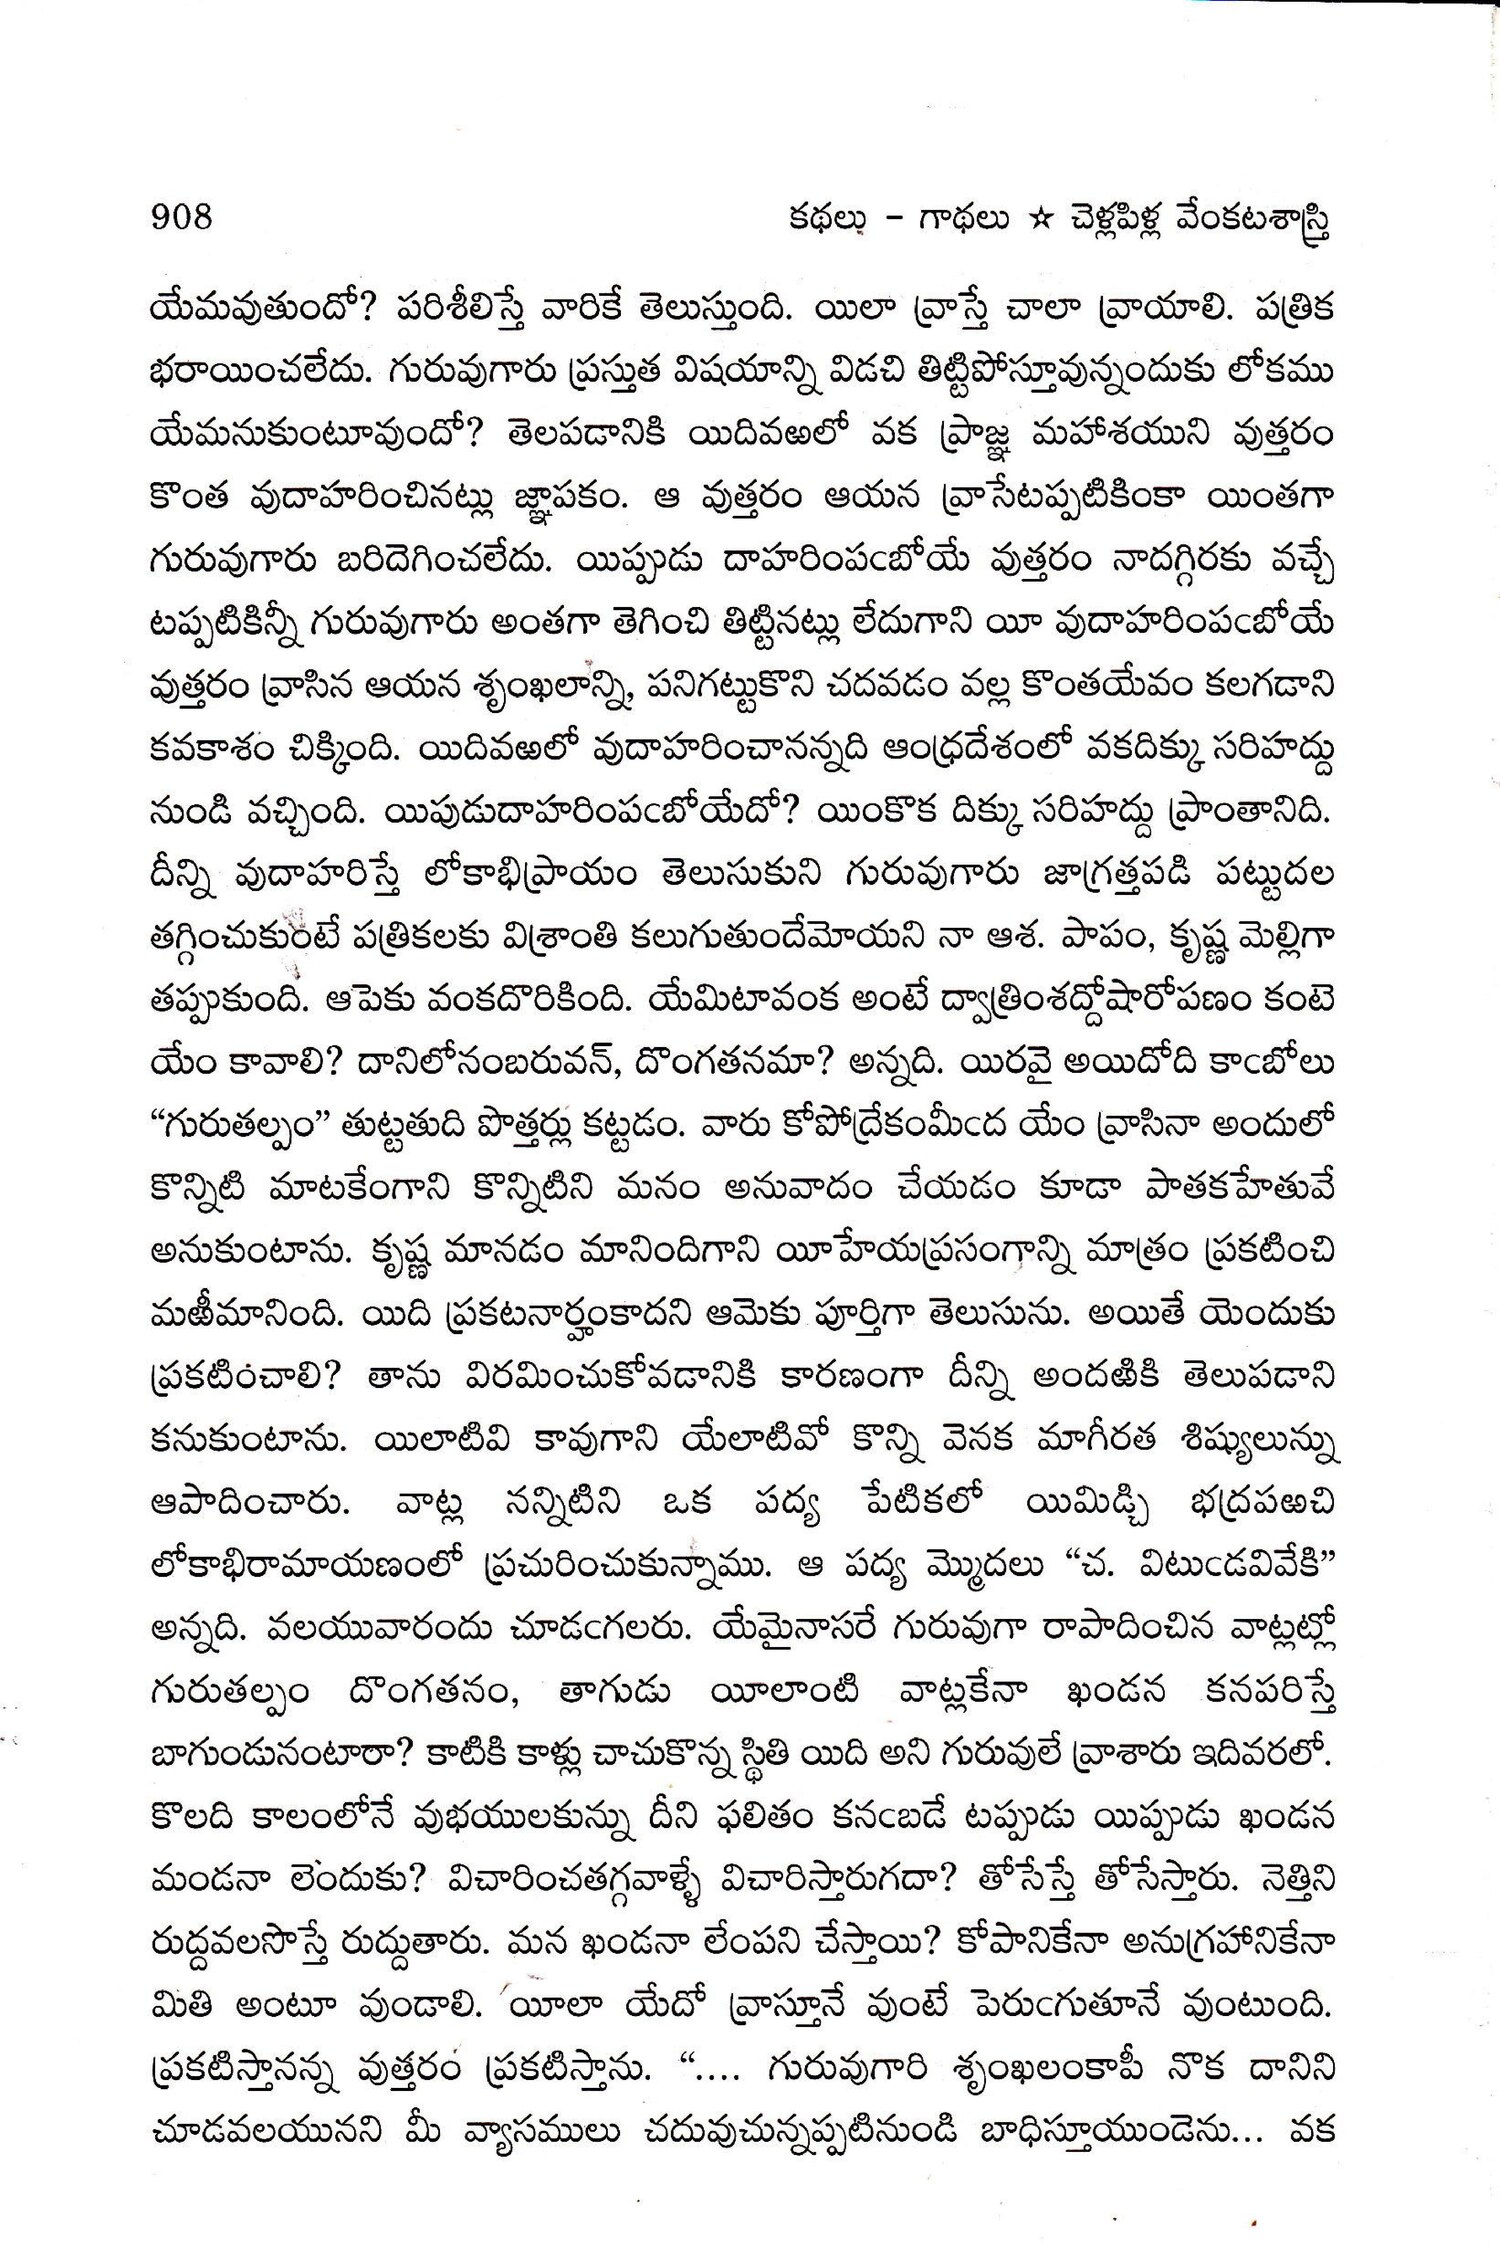యేమవుతుందో? పరిశీలిస్తే వారికే తెలుస్తుంది. యిలా వ్రాస్తే చాలా వ్రాయాలి. పత్రిక భరాయించలేదు. గురువుగారు ప్రస్తుత విషయాన్ని విడచి తిట్టిపోస్తూవున్నందుకు లోకము యేమనుకుంటూవుందో? తెలపడానికి యిదివఱలో వక ప్రాజ్ఞ మహాశయుని వుత్తరం కొంత వుదాహరించినట్లు జ్ఞాపకం. ఆ వత్తరం ఆయన వ్రాసేటప్పటికింకా యింతగా గురువుగారు బరిదెగించలేదు. యిప్పుడు దాహరింపఁబోయే వుత్తరం నాదగ్గిరకు వచ్చేటప్పటికిన్నీ గురువుగారు అంతగా తెగించి తిట్టినట్లు లేదుగాని యీ వుదాహరింపఁబోయే వుత్తరం వ్రాసిన ఆయన శృంఖలాన్ని పనిగట్టుకొని చదవడం వల్ల కొంతయేవం కలగడాని కవకాశం చిక్కింది. యిదివఱలో వుదాహరించానన్నది ఆంధ్రదేశంలో వకదిక్కు సరిహద్దు నుండి వచ్చింది. యిపుడుదాహరింపఁబోయేదో? యింకొక దిక్కు సరిహద్దు ప్రాంతానిది. దీన్ని వుదాహరిస్తే లోకాభిప్రాయం తెలుసుకుని గురువుగారు జాగ్రత్తపడి పట్టుదల తగ్గించుకుంటే పత్రికలకు విశ్రాంతి కలుగుతుందేమోయని నా ఆశ. పాపం, కృష్ణ మెల్లిగా తప్పుకుంది. ఆపెకు వంకదొరికింది. యేమిటావంక అంటే ద్వాత్రింశద్దోషారోపణం కంటె యేం కావాలి? దానిలోనంబరువన్, దొంగతనమా? అన్నది. యిరవై అయిదోది కాఁబోలు “గురుతల్పం" తుట్టతుది పొత్తర్లు కట్టడం. వారు కోపోద్రేకంమీఁద యేం వ్రాసినా అందులో కొన్నిటి మాటకేంగాని కొన్నిటిని మనం అనువాదం చేయడం కూడా పాతకహేతువే అనుకుంటాను. కృష్ణ మానడం మానిందిగాని యీహేయప్రసంగాన్ని మాత్రం ప్రకటించి మఱీమానింది. యిది ప్రకటనార్హంకాదని ఆమెకు పూర్తిగా తెలుసును. అయితే యెందుకు ప్రకటించాలి? తాను విరమించుకోవడానికి కారణంగా దీన్ని అందఱికి తెలుపడాని కనుకుంటాను. యిలాటివి కావుగాని యేలాటివో కొన్ని వెనక మాగీరత శిష్యులున్ను ఆపాదించారు. వాట్ల నన్నిటిని ఒక పద్య పేటికలో యిమిడ్చి భద్రపఱచి లోకాభిరామాయణంలో ప్రచురించుకున్నాము. ఆ పద్య మ్మొదలు “చ. విటుఁడవివేకి" అన్నది. వలయువారందు చూడఁగలరు. యేమైనాసరే గురువుగా రాపాదించిన వాట్లట్లో గురుతల్పం దొంగతనం, తాగుడు యీలాంటి వాట్లకేనా ఖండన కనపరిస్తే బాగుండునంటారా? కాటికి కాళ్లు చాచుకొన్న స్థితి యిది అని గురువులే వ్రాశారు ఇదివరలో, కొలది కాలంలోనే వుభయులకున్ను దీని ఫలితం కనcబడే టప్పడు యిప్పుడు ఖండన మండనా లెందుకు? విచారించతగ్గవాళ్ళే విచారిస్తారుగదా? తోసేస్తే తోసేస్తారు. నెత్తిని రుద్దవలసొస్తే రుద్దుతారు. మన ఖండనా లేంపని చేస్తాయి? కోపానికేనా అనుగ్రహానికేనా మితి అంటూ వుండాలి. యీలా యేదో వ్రాస్తూనే వుంటే పెరుఁగుతూనే వుంటుంది. ప్రకటిస్తానన్న వత్తరం ప్రకటిస్తాను. “.... గురువుగారి శృంఖలంకాపీ నొక దానిని చూడవలయునని మీ వ్యాసములు చదువుచున్నప్పటినుండి బాధిస్తూయుండెను... వక